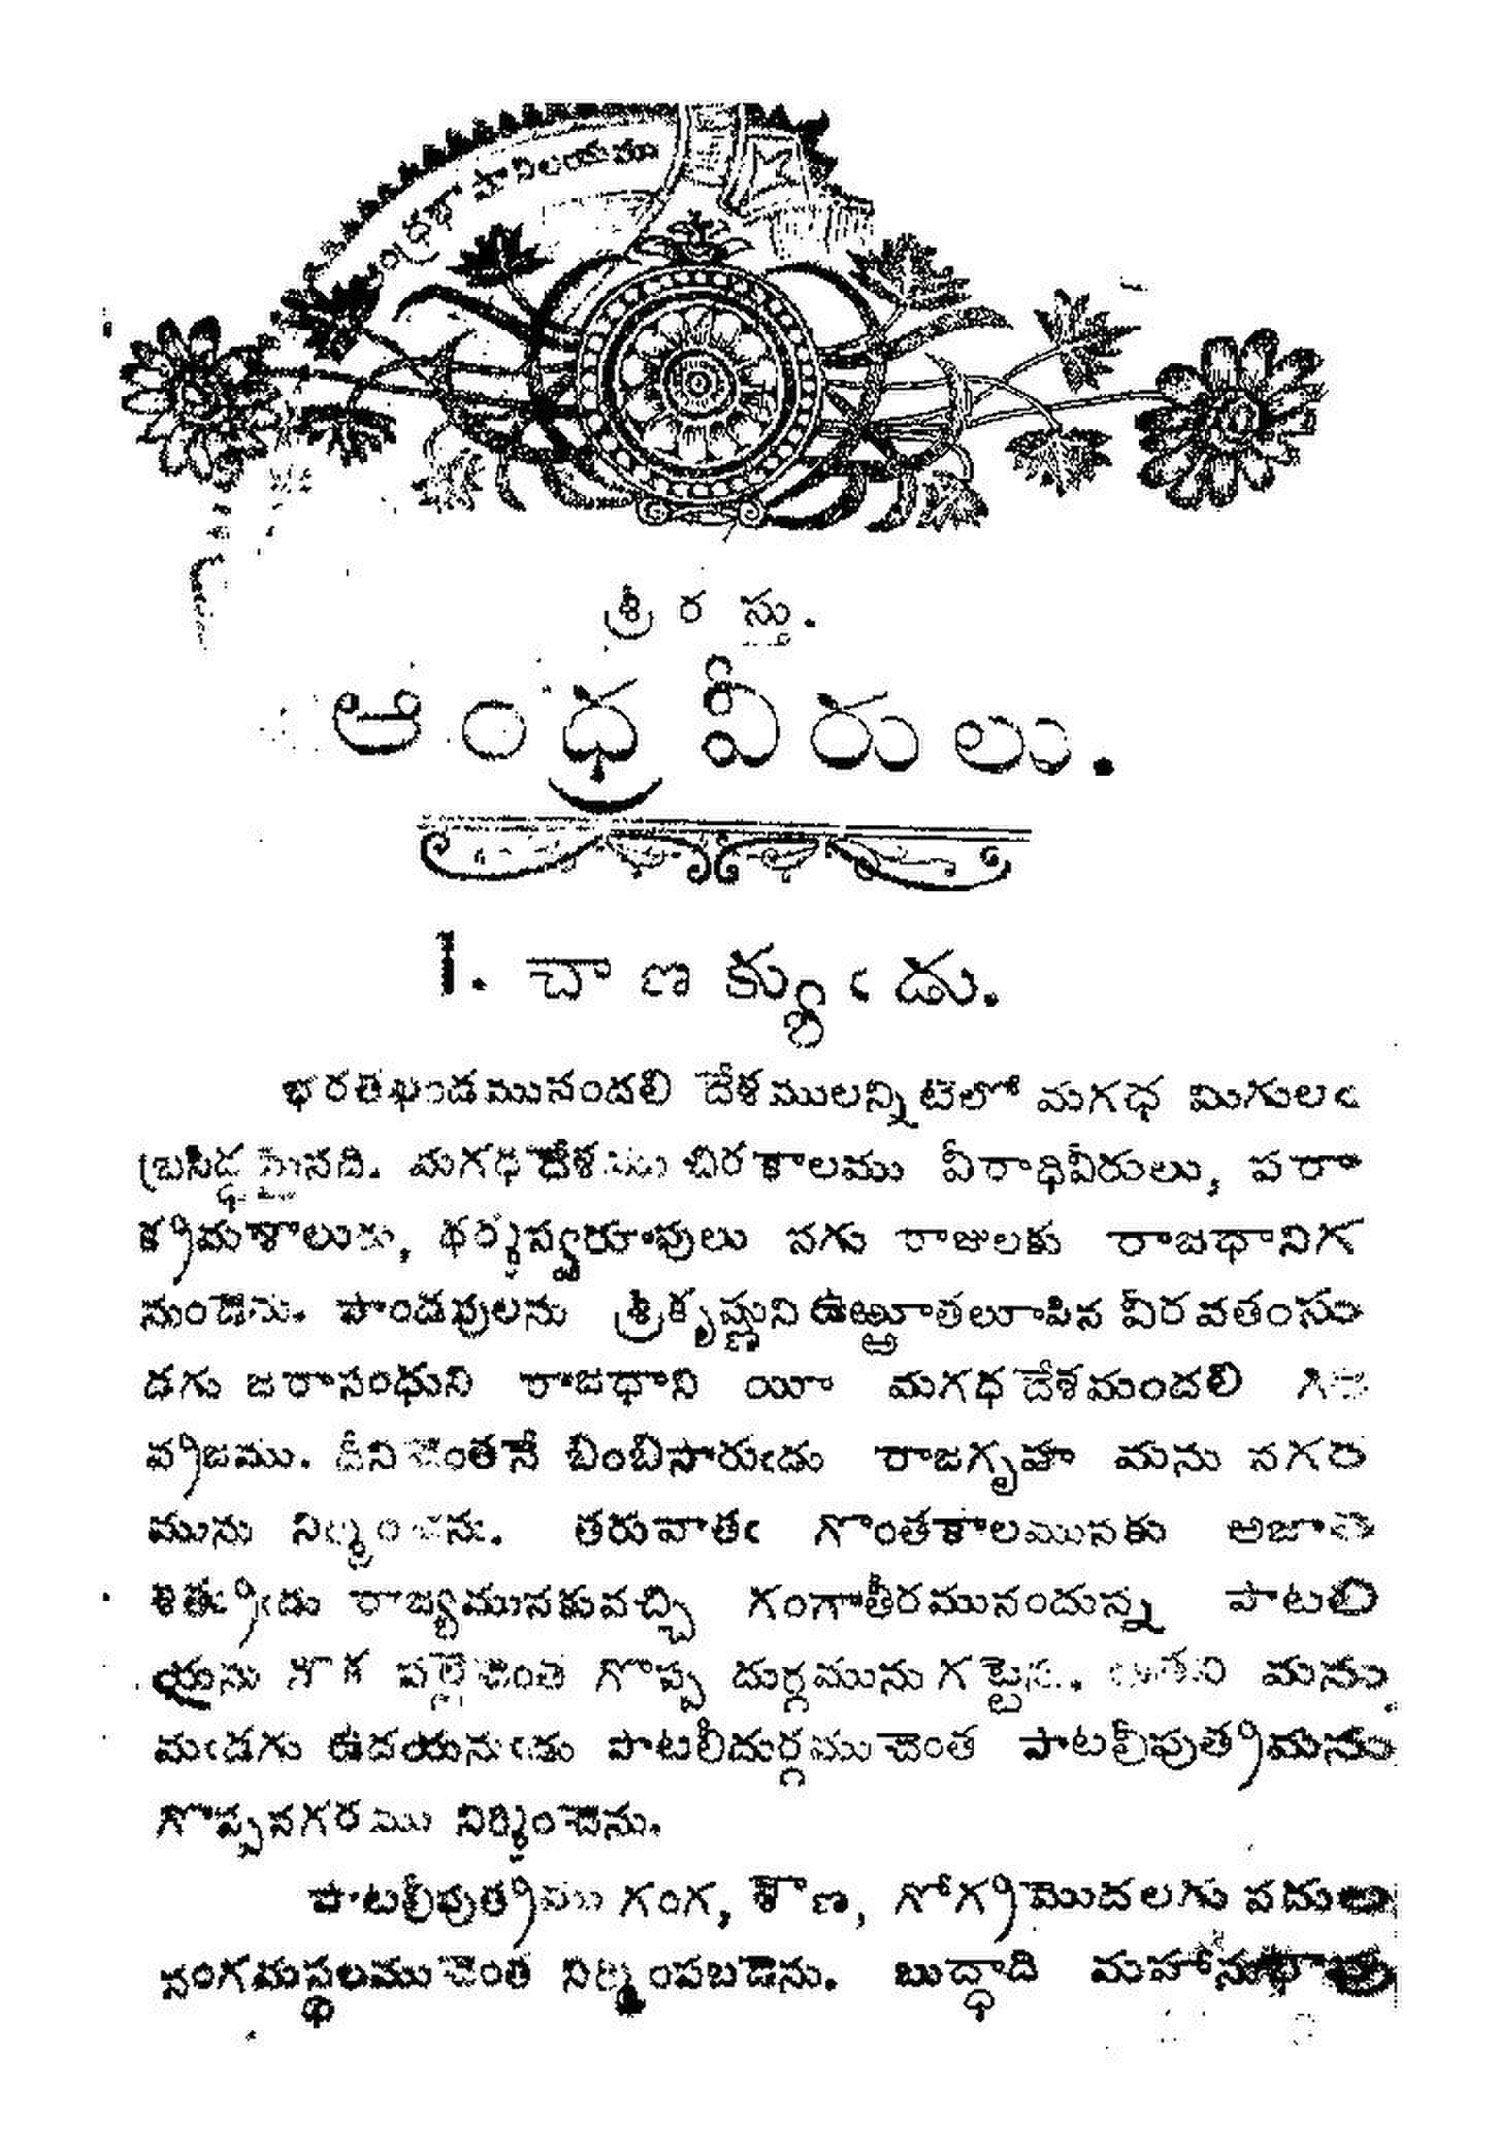భరతఖండమునందలి దేశములన్నిటెలో మగధ మిగుల బ్రసిద్ధమైనది. మగధదేశము చిరకాలము వీరాధివీరులు, పరాక్రమశాలురు, ధర్మస్వరూపులు నగు రాజులకు రాజధానిగ నుండెను. పాండవులను శ్రీకృష్ణుని ఉఱ్ఱూతలూపిన వీరవతంసుడగు జరాసంధుని రాజధాని యీ మగధదేశమందలి గిరివ్రజము. దీనిచెంతనే బింబిసారుడు రాజగృహ మను నగరమును నిర్మించెను. తరువాత గొంతకాలమునకు అజాతశత్రుడు రాజ్యమునకువచ్చి గంగాతీరమునందున్న పాటలియను నొక పల్లెచెంత గొప్ప దుర్గమును గట్టెను. అతని మనుమడగు ఉదయనుడు పాటలీదుర్గముచెంత పాటలీపుత్రమను గొప్పనగరము నిర్మించెను.

పాటలీపుత్రము గంగ, శౌణ, గోగ్ర మొదలగు నదులు సంగమస్థలము చెంత నిర్మింపబడెను. బుద్ధాది మహానుభావు